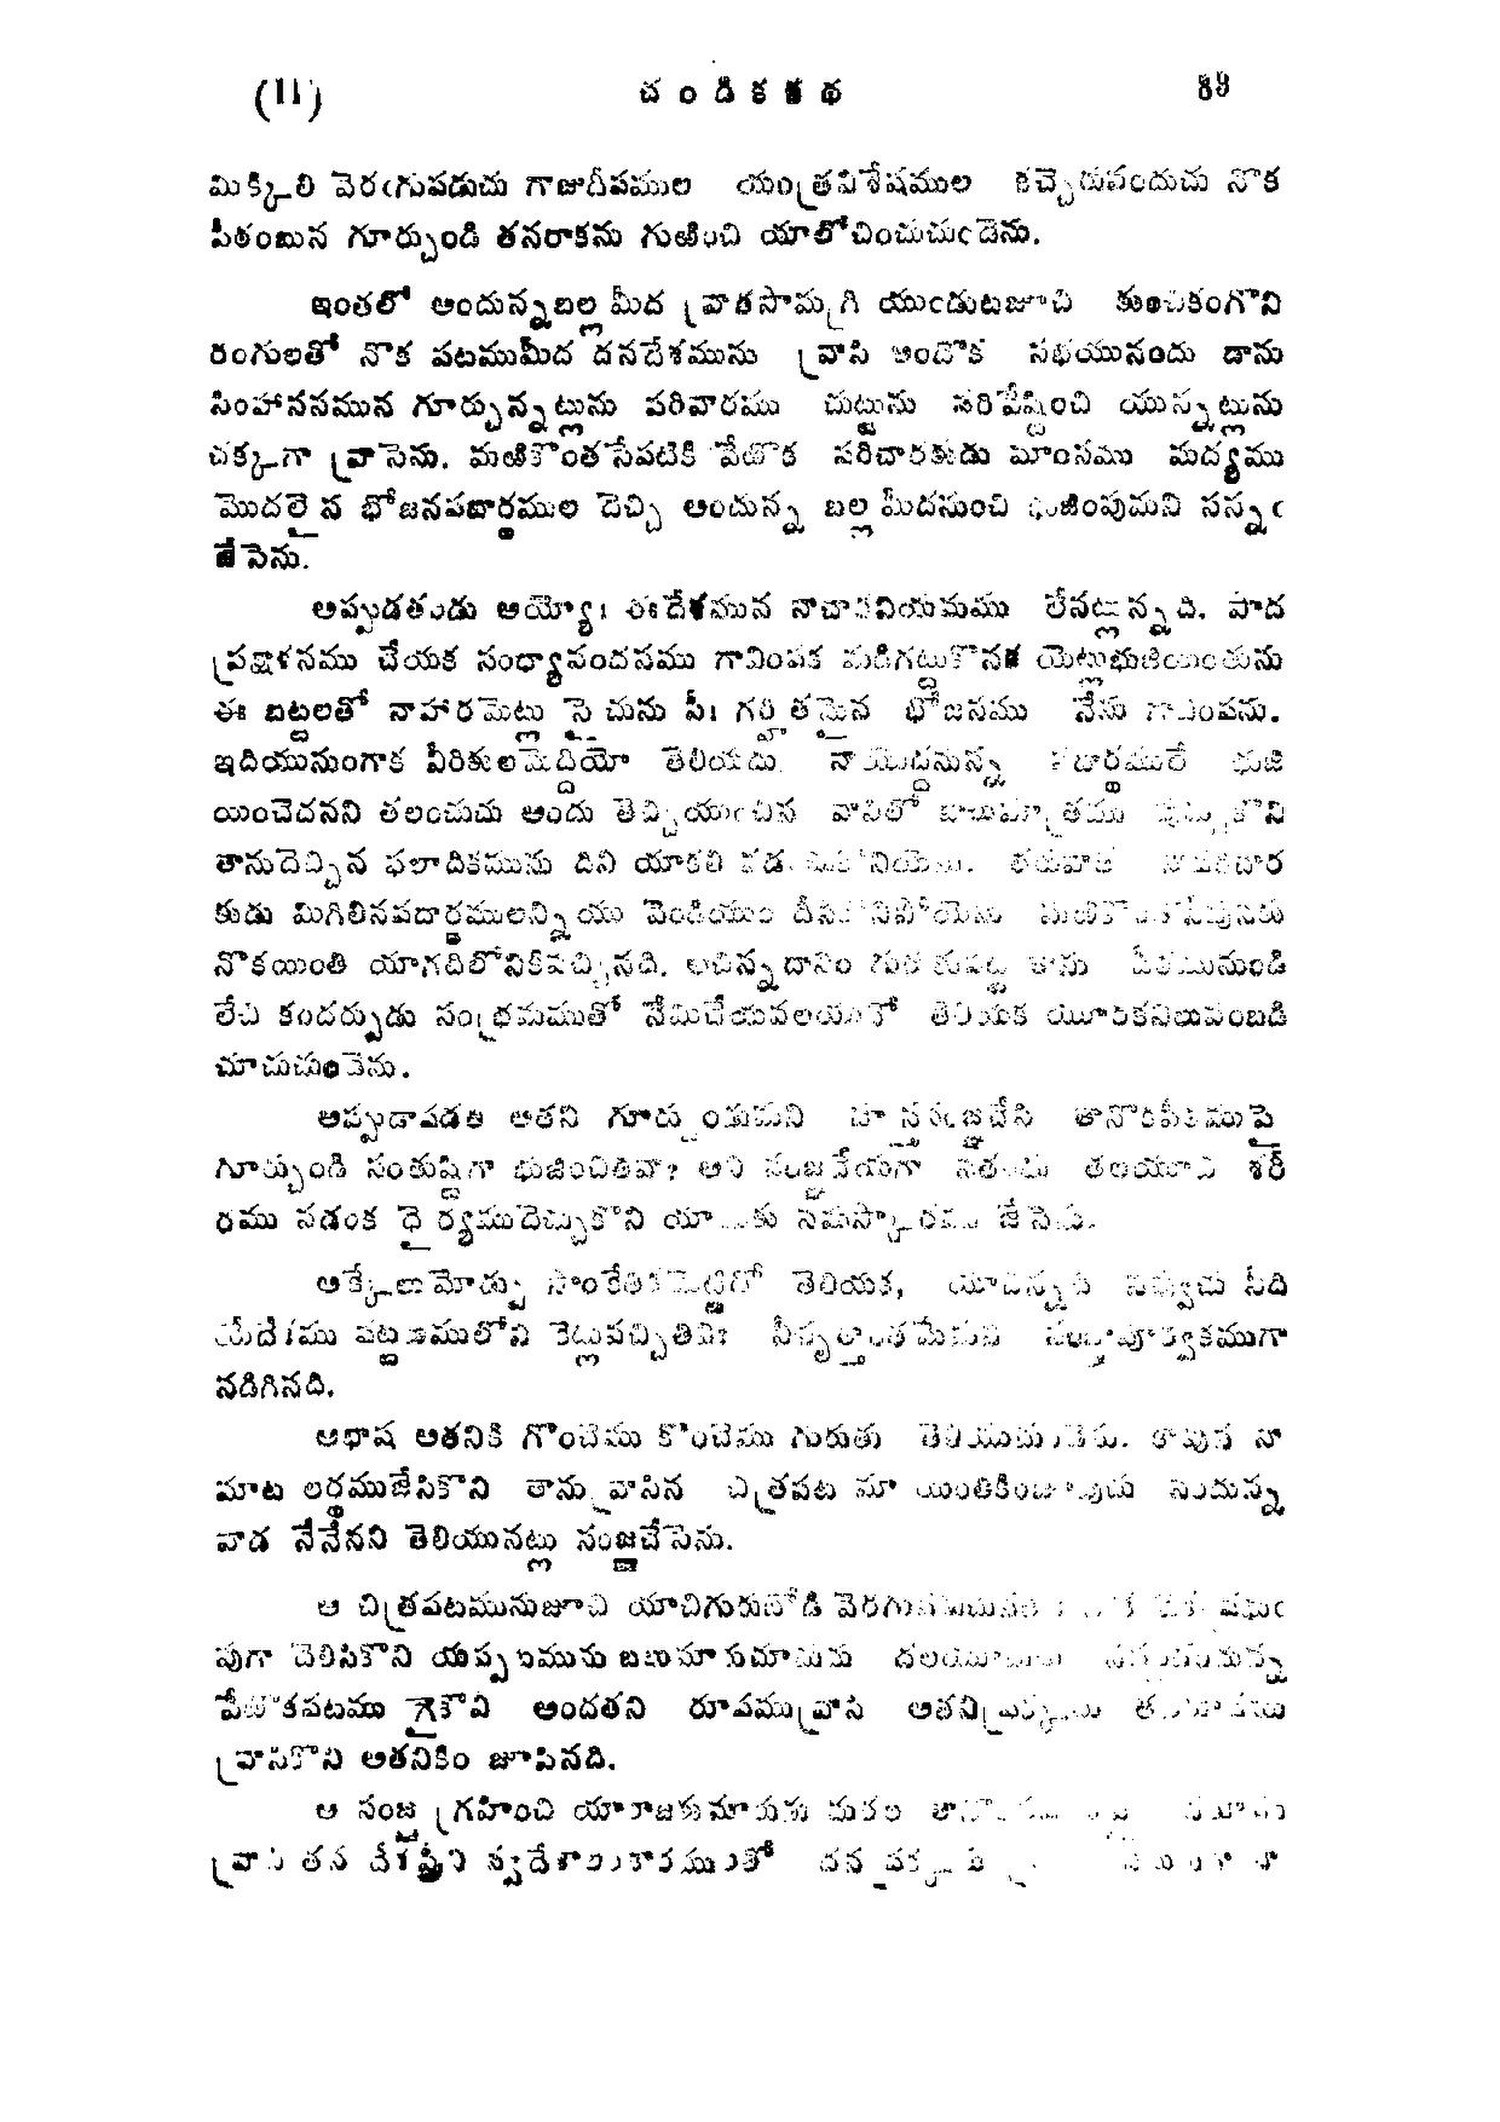మిక్కిలి వెరఁగుపడుచు గాజుదీపముల యంత్రవిశేషముల కచ్చెరువందుచు నొకపీఠంబున గూర్చుండి తనరాకను గుఱించి యాలోచించుచుండెను.

ఇంతలో అందున్నబల్ల మీద వ్రాతసామగ్రి యుండుటజూచి కుంచికంగొని రంగులతో నొక పటముమీద దనదేశమును వ్రాసి అందొక సభయునందు దాను సింహానసమున గూర్చున్నట్లును పరివారము చుట్టును పరివేష్టించి యున్నట్లును చక్కగా వ్రాసెను. మఱికొంతసేపటికి వేఱొక పరిచారకుడు మాంసము మద్యము మొదలైన భోజనపదార్దముల దెచ్చి అందున్న బల్లమీదనుంచి భుజింపుమని సన్నఁ జేసెను.

అప్పు డతండు అయ్యో! ఈదేశమున నాచారనియమము లేనట్లున్నది. పాదప్రక్షాళనము చేయక సంధ్యావందనము గావింపక మడి గట్టుకొనక యెట్లుభుజింతును ఈ బట్టలతో నాహారమెట్లు సైచును సీ! గర్హితమైన భోజనము నేను గావింపను. ఇదియునుంగాక వీరికులమెద్దియో తెలియదు. నాయొద్దనున్న పదార్థములే భుజియించెదనని తలంచుచు అందు తెచ్చియుంచిన వానిలో బాలుమాత్రము పుచ్చుకొని తానుదెచ్చిన ఫలాదికమును దిని యాకలి నడంచుకొనియెను. తరువాత నాపరిచారకుడు మిగిలినపదార్థములన్నియు వెండియుం దీసికొనిపోయెను. మఱికొంతసేపునకు నొకయింతి యాగదిలోనికి వచ్చినది. ఆచిన్నదానం గురుతుపట్టి తాను పీఠమునుండి లేచి కందర్పుడు సంభ్రమముతో నేమి చేయవలయునో తెలియక యూరక నిలువంబడి చూచుచుండెను.

అప్పు డాపడతి ఆతని గూర్చుండుమని హస్తసంజ్ఞచేసి తానొకపీఠముపై గూర్చుండి సంతుష్టిగా భుజించితివా? అని సంజ్ఞచేయగా నతండు తలయూచి శరీరము నడంక ధైర్యముదెచ్చుకొని యామెకు నమస్కారము జేసెను.

ఆక్కేలుమోడ్పు సాంకేతికమెట్టిదో తెలియక, యాచిన్నది నవ్వుచు నీది యేదేశము పట్టణములోని కెట్లువచ్చితివి? నీవృత్తాంతమేమని సంజ్ఞాపూర్వకముగా నడిగినది.

ఆభాష అతనికి గొంచెము కొంచెము గురుతు తెలియుచుండెను. కావున నా మాట లర్థముజేసికొని తానువ్రాసిన చిత్రపట మా యింతికింజూపుచు నందున్నవాడ నేనేనని తెలియునట్లు సంజ్ఞచేసెను.

ఆ చిత్రపటమునుజూచి యాచిగురుబోడి వెరగుపడుచు నతని నొకదేశప్రభుఁవుగా దెలిసికొని యప్పటమును బలుమారు చూచుచు దలయూచుచు నప్పుడందున్న వేఱొకపటము గైకొని అందతని రూపమువ్రాసి అతనిప్రక్కను తనరూపము వ్రాసికొని అతనికిం జూపినది.

ఆ సంజ్ఞ గ్రహించి యారాజకుమారుడు మరల తానొక యువకునిరూపము వ్రాసి తన దేశస్త్రీని స్వదేశాలంకారముతో దనప్రక్క -------------------